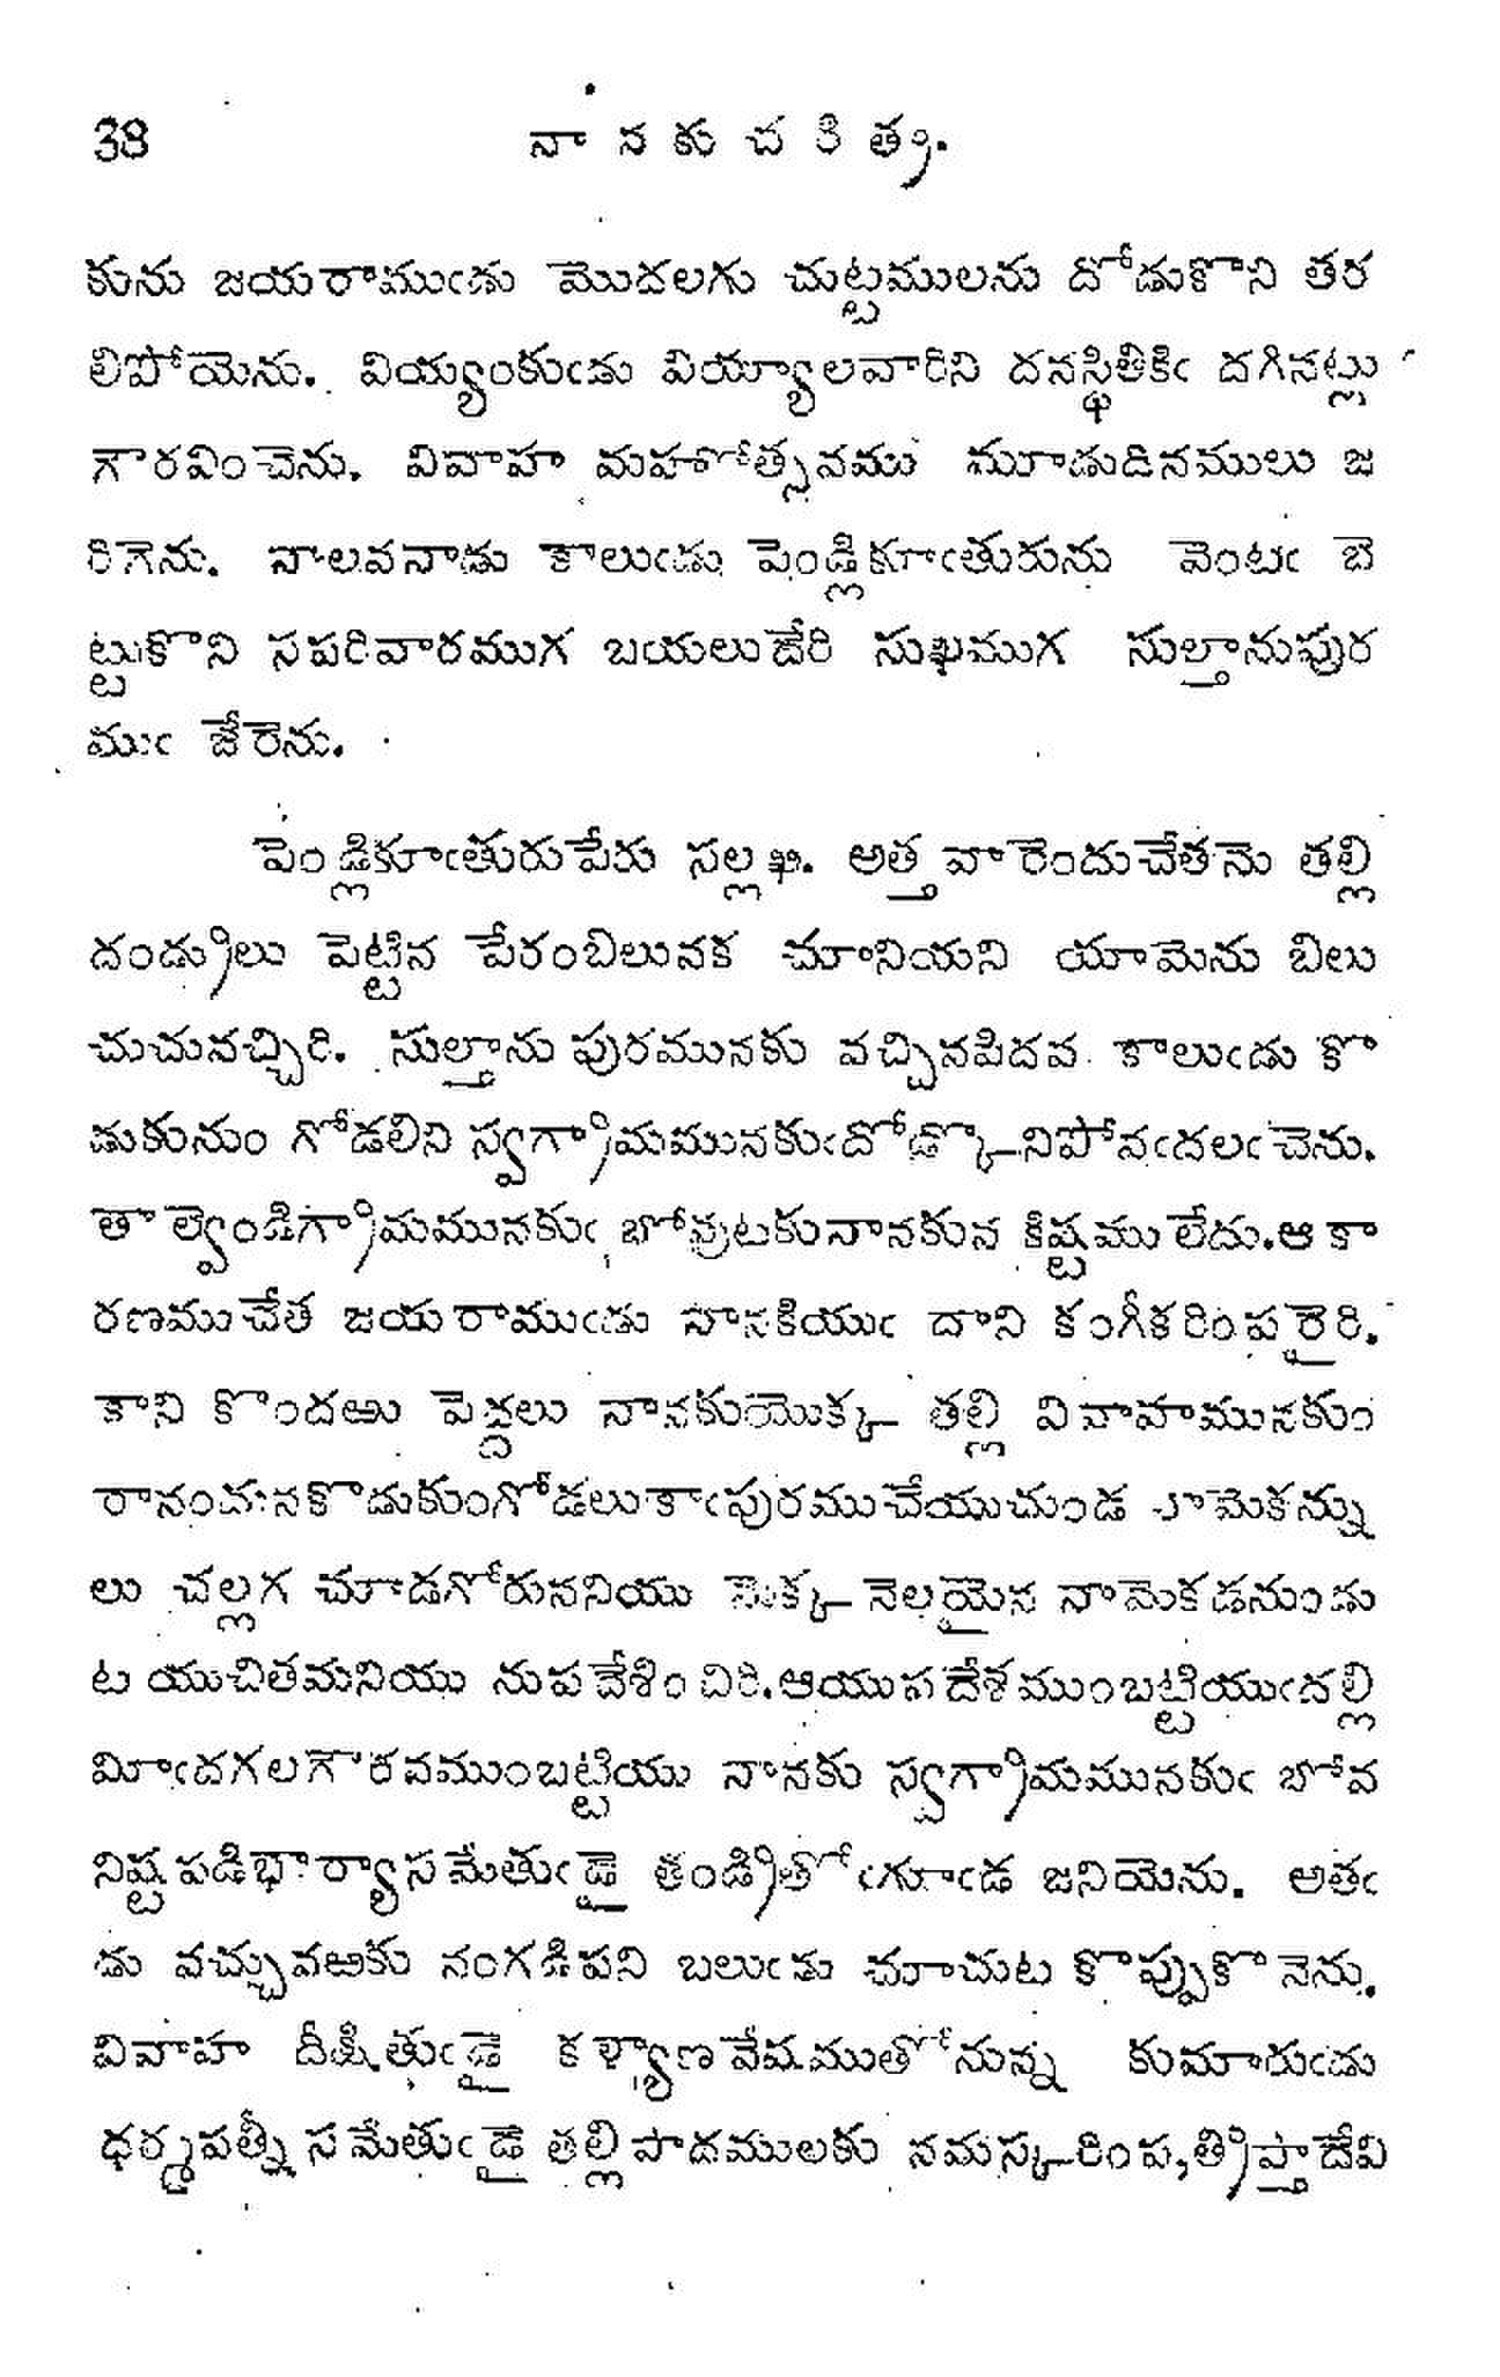కును జయరాముడు మొదలగు చుట్టములను దోడుకొని తరలిపోయెను. వియ్యంకుడు వియ్యాలవారిని దనస్థితికి దగినట్లు గౌరవించెను. వివాహ మహోత్సవము మూడుదినములు జరిగెను. నాలవనాడు కాలుడు పెండ్లికూతురును వెంటబెట్టుకొని సపరివారముగ బయలుదేరి సుఖముగ సుల్తానుపురము జేరెను.

పెండ్లికూతురుపేరు సల్లఖి. అత్తవారెందుచేతనొ తల్లి దండ్రులు పెట్టిన పేరంబిలువక చూనియని యామెను బిలుచుచువచ్చిరి. సుల్తానుపురమునకు వచ్చినపిదప కాలుడు కొడుకునుం గోడలిని స్వగ్రామమునకు దోడ్కొనిపోవదలచెను. తాల్వెండిగ్రామమునకు బోవుటకునానకున కిష్టము లేదు. ఆకారణముచేత జయరాముడు నానకియు దాని కంగీకరింపరైరి. కాని కొందఱు పెద్దలు నానకుయొక్క తల్లి వివాహమునకుం రానందున కొడుకుంగోడలు కాపురము చేయుచుండ నామెకన్నులు చల్లగ చూడగోరుననియు నొక్కనెలయైన నామెకడనుండుట యుచితమనియు నుపదేశించిరి. ఆయుపదేశముంబట్టియు దల్లిమీదగల గౌరవముంబట్టియు నానకు స్వగ్రామమునకు బోవ నిష్టపడి భార్యాసమేతుడై తండ్రితో గూడ జనియెను. అతడు వచ్చువఱకు నంగడిపని బలుడు చూచుట కొప్పుకొనెను. వివాహ దీక్షితుడై కళ్యాణవేషముతోనున్న కుమారుడు ధర్మపత్నీసమేతుడై తల్లిపాదములకు నమస్కరింప, త్రిప్తాదేవి